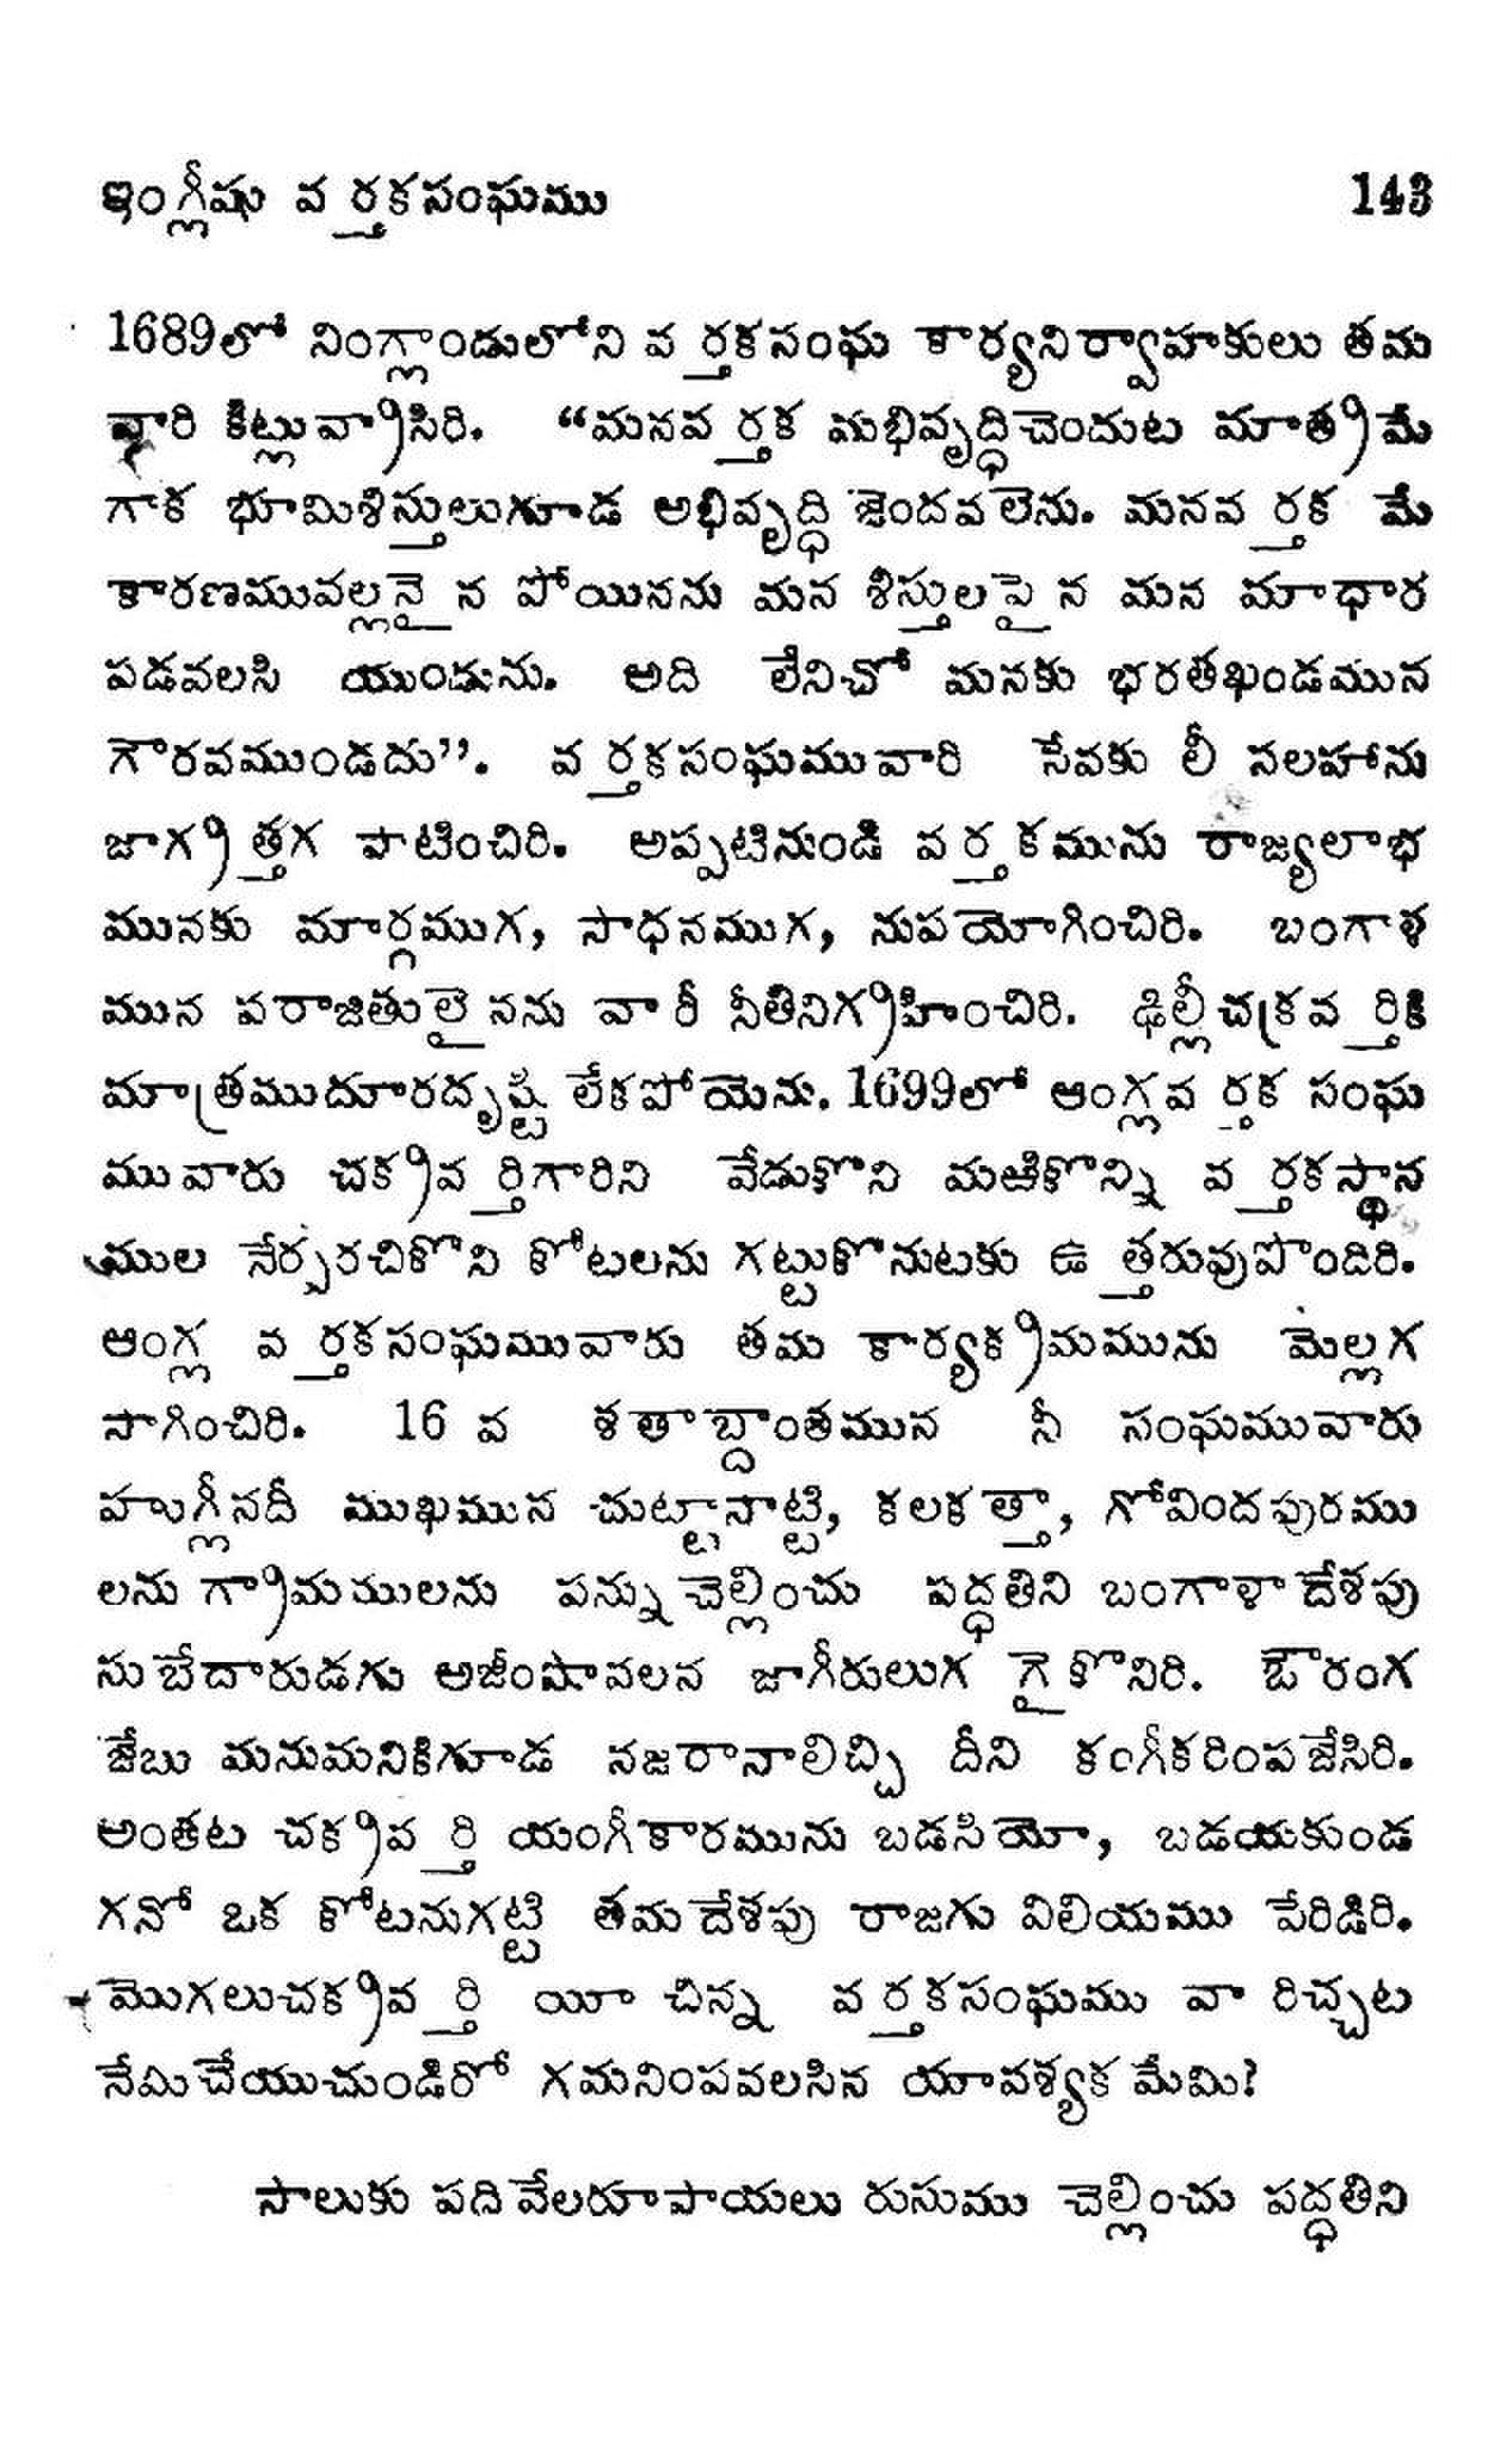1689 లో నింగ్లాండులోని వర్తకసంఘ కార్యనిర్వాహకులు తమవారి కిట్లువ్రాసిరి. “మనవర్తక మభివృద్ధిచెందుట మాత్రమే గాక భూమిశిస్తులుగూడ అభివృద్ధి జెందవలెను. మనవర్తక మే కారణమువల్లనైన పోయినను మన శిస్తులపైన మన మాధార పడవలసి యుండును. అది లేనిచో మనకు భరతఖండమున గౌరవముండదు”. వర్తక సంఘమువారి సేవకు లీ సలహాను జాగ్రత్తగా పాటించిరి. అప్పటినుండి వర్తకమును రాజ్యలాభమునకు మార్గముగ, సాధనముగ, నుపయోగించిరి. బంగాళమున పరాజితులైనను వారీ నీతినిగ్రహించిరి. ఢిల్లీచక్రవర్తికి మాత్రము దూరదృష్టి లేకపోయెను. 1699లో ఆంగ్లవర్తక సంఘమువారు చక్రవర్తిగారిని వేడుకొని మఱికొన్ని వర్తకస్థానముల నేర్పరచికొని కోటలను గట్టుకొనుటకు ఉత్తరువుపొందిరి. ఆంగ్ల వర్తకసంఘమువారు తమ కార్యక్రమమును మెల్లగ సాగించిరి. 16 వ శతాబ్దాంతమున నీ సంఘమువారు హుగ్లీనదీ ముఖమున చుట్టానాట్టి, కలకత్తా, గోవిందపురము లను గ్రామములను పన్ను చెల్లించు పద్ధతిని బంగాళాదేశపు సుబేదారుడగు అజీంషావలన జాగీరులుగ గైకొనిరి. ఔరంగజేబు మనుమనికిగూడ నజరానాలిచ్చి దీని కంగీకరింపజేసిరి. అంతట చక్రవర్తి యంగీకారమును బడసియో, బడయకుండగనో ఒక కోటనుగట్టి తమదేశపు రాజగు విలియము పేరిడిరి. - మొగలుచక్రవర్తి యీ చిన్న వర్తకసంఘము వా రిచ్చట నేమిచేయుచుండిరో గమనింపవలసిన యావశ్యక మేమి?

సాలుకు పదివేలరూపాయలు రుసుము చెల్లించు పద్ధతిని